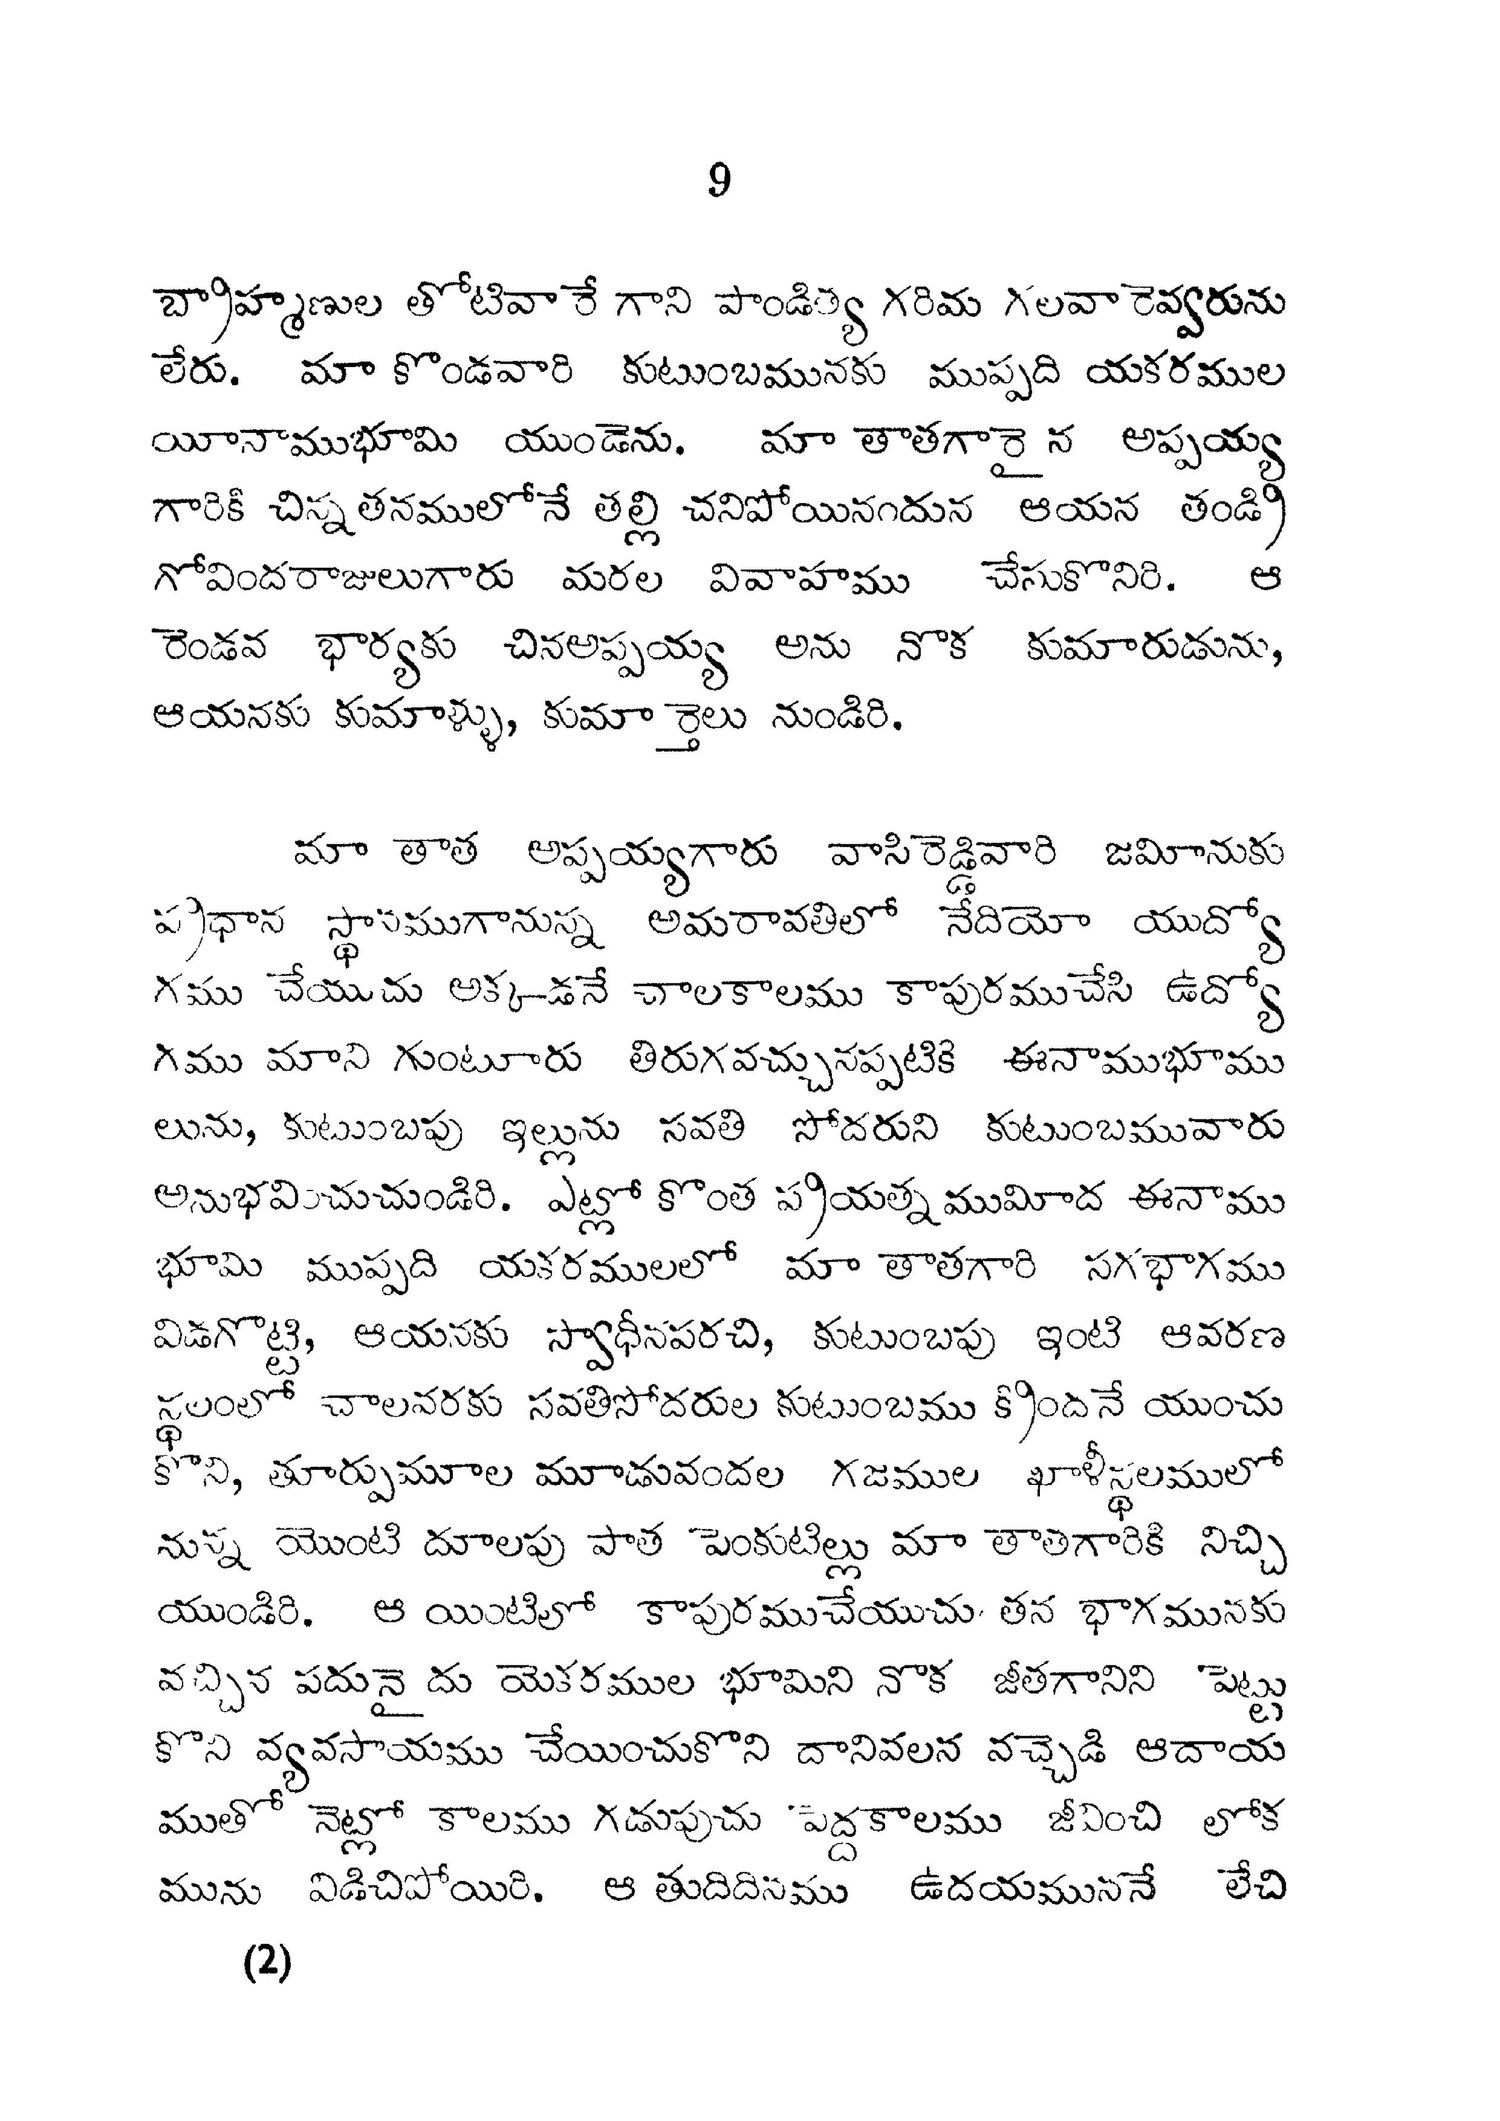బ్రాహ్మణుల తోటివారే గాని పాండిత్య గరిమ గలవారెవ్వరును లేరు. మా కొండవారి కుటుంబమునకు ముప్పది యకరముల యీనాముభూమి యుండెను. మా తాతగారైన అప్పయ్య గారికి చిన్నతనములోనే తల్లి చనిపోయినందున ఆయన తండ్రి గోవిందరాజులుగారు మరల వివాహము చేసుకొనిరి. ఆ రెండవ భార్యకు చినఅప్పయ్య అను నొక కుమారుడును, ఆయనకు కుమాళ్ళు, కుమార్తెలు నుండిరి.

మా తాత అప్పయ్యగారు వాసిరెడ్డివారి జమీనుకు ప్రధాన స్థానముగానున్న అమరావతిలో నేదియో యుద్యోగము చేయుచు అక్కడనే చాలకాలము కాపురముచేసి ఉద్యోగము మాని గుంటూరు తిరుగవచ్చునప్పటికి ఈనాముభూములును, కుటుంబపు ఇల్లును సవతి సోదరుని కుటుంబమువారు అనుభవించుచుండిరి. ఎట్లో కొంత ప్రయత్నముమీద ఈనాము భూమి ముప్పది యకరములలో మా తాతగారి సగభాగము విడగొట్టి, ఆయనకు స్వాధీనపరచి, కుటుంబపు ఇంటి ఆవరణ స్థలంలో చాలవరకు సవతిసోదరుల కుటుంబము క్రిందనే యుంచుకొని, తూర్పుమూల మూడువందల గజముల ఖాళీస్థలములో నున్న యొంటి దూలపు పాత పెంకుటిల్లు మా తాతగారికి నిచ్చి యుండిరి. ఆ యింటిలో కాపురముచేయుచు తన భాగమునకు వచ్చిన పదునైదు యెకరముల భూమిని నొక జీతగానిని పెట్టుకొని వ్యవసాయము చేయించుకొని దానివలన వచ్చెడి ఆదాయముతో నెట్లో కాలము గడుపుచు పెద్దకాలము జీవించి లోకమును విడిచిపోయిరి. ఆ తుదిదినము ఉదయముననే లేచి